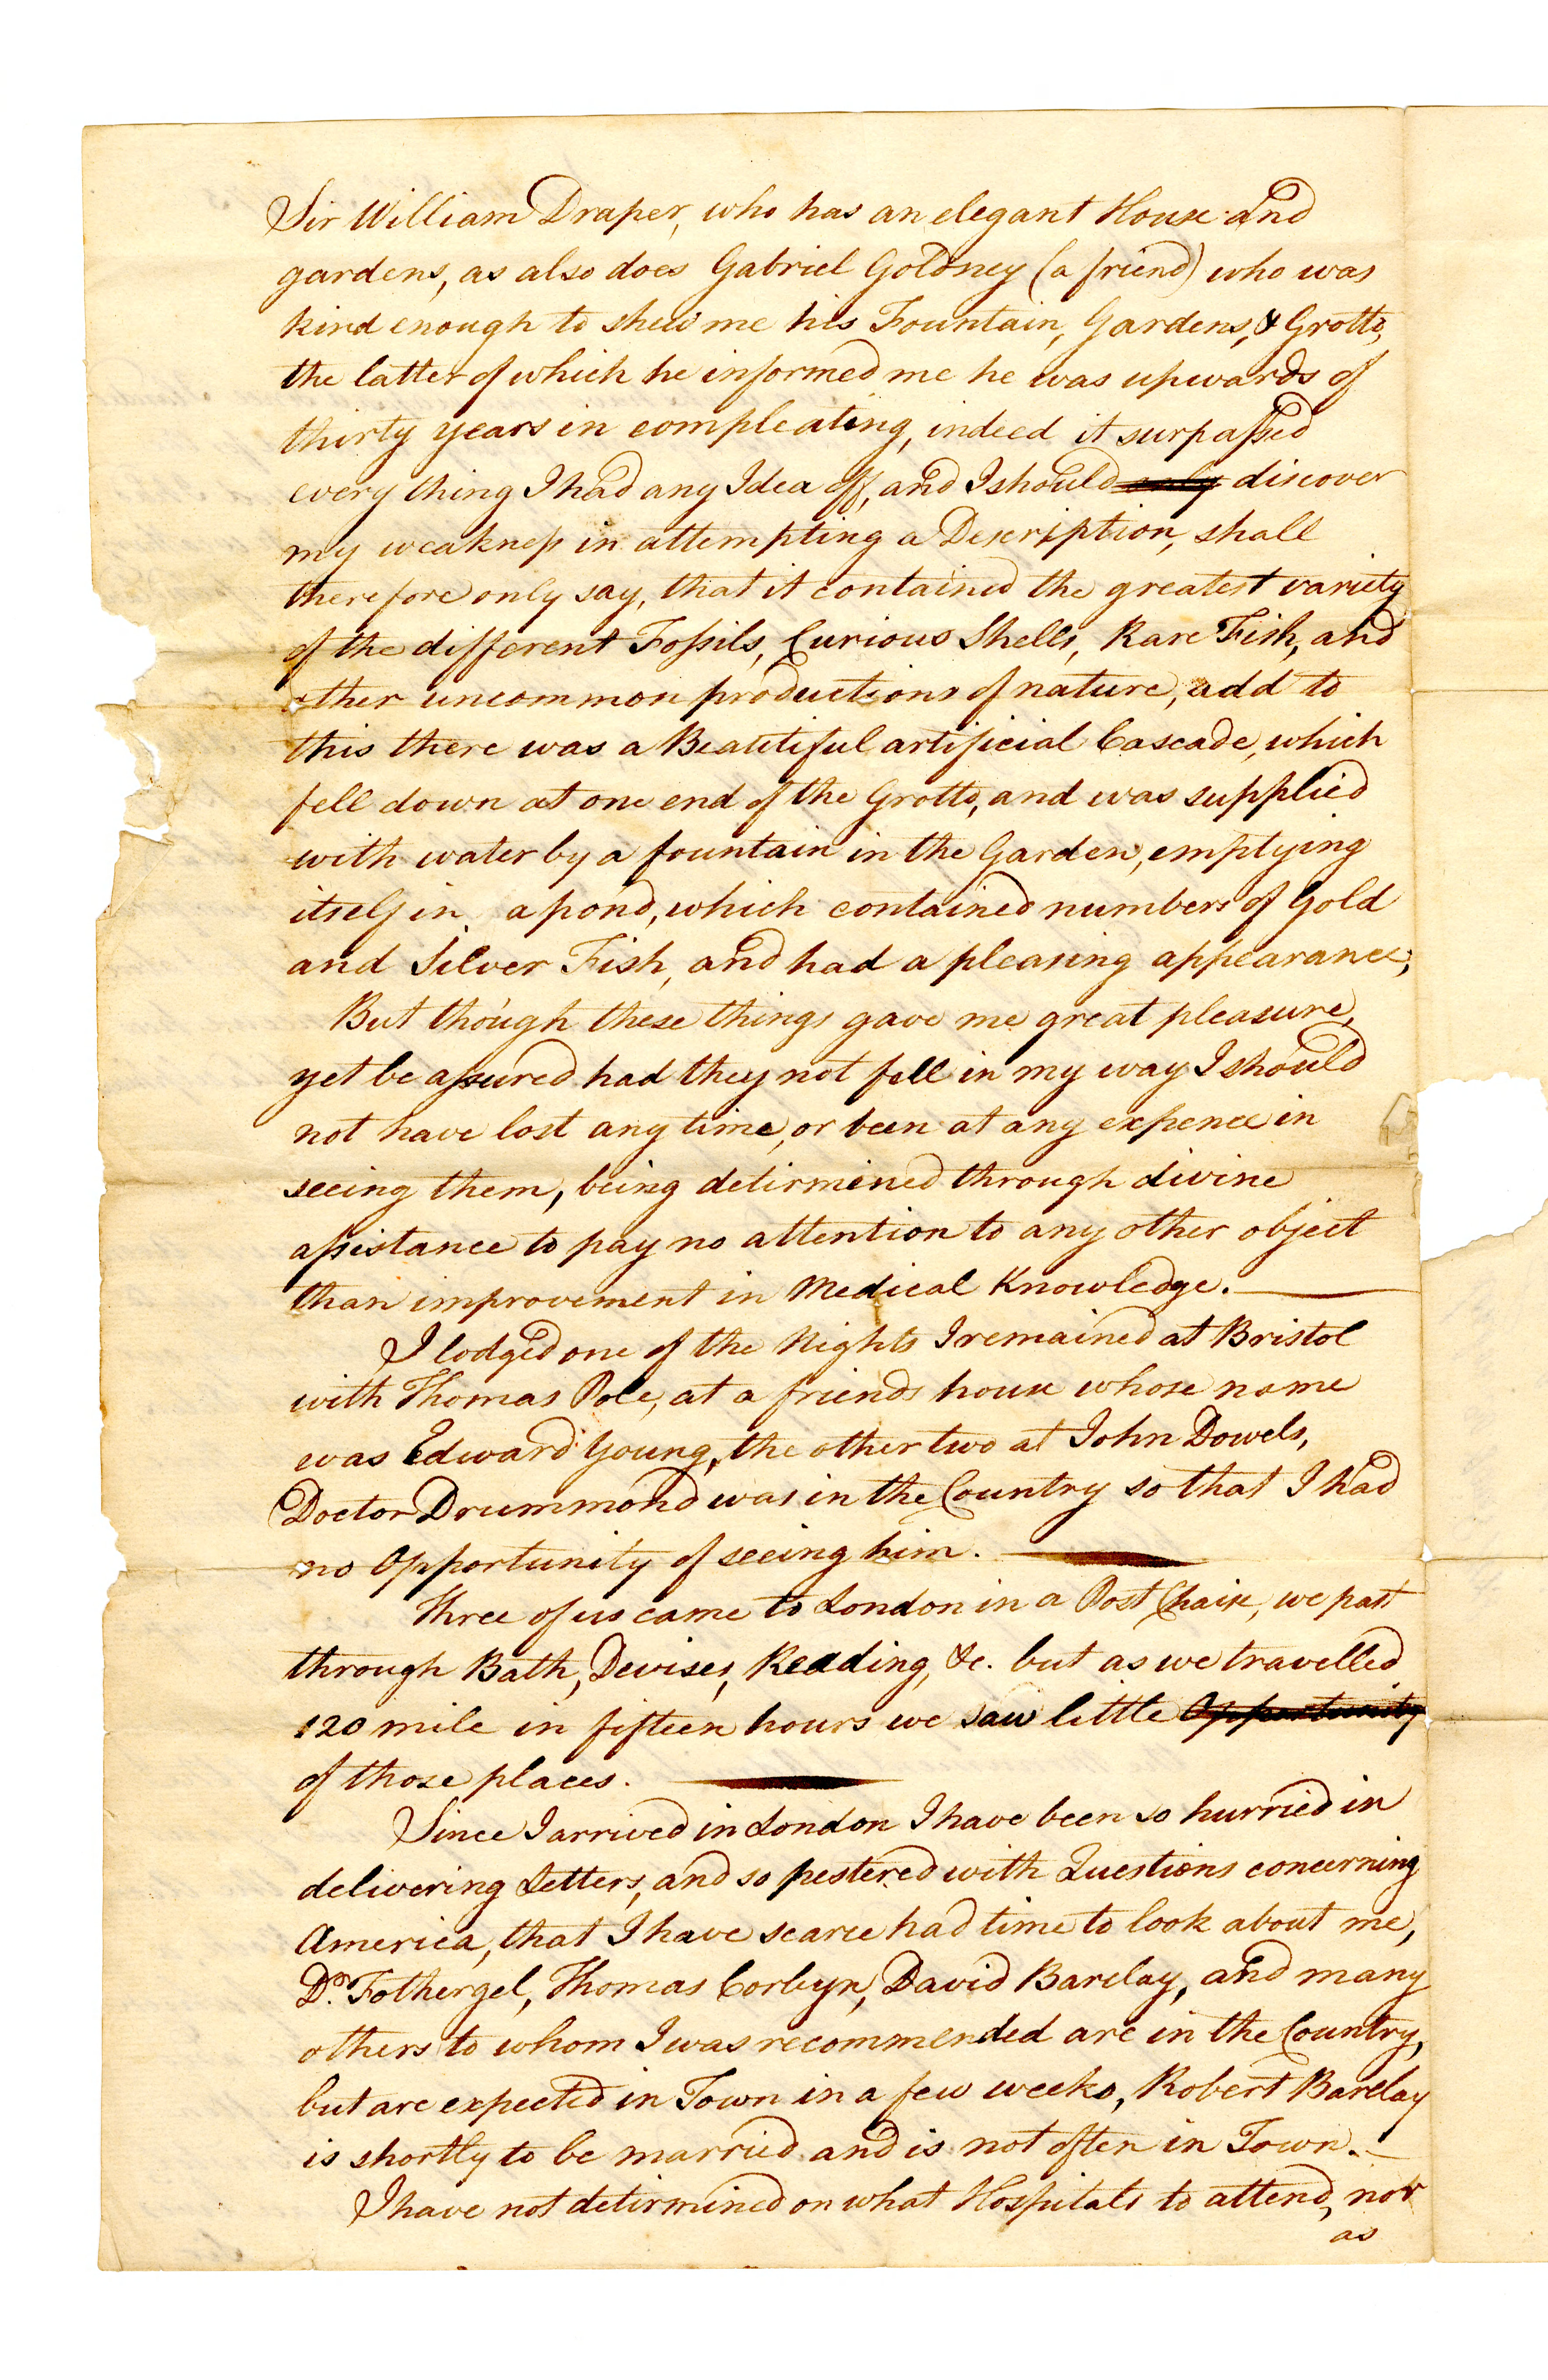Sir William Draper, who has an elegant House and
gardens, as also does Gabriel Goldney (a friend) who was
kind enough to shew me his Fountain, Gardens, & Grotto,
the latter of which he informed me he was upwards of
thirty years in compleating, indeed it surpassed
every thing I had any Idea off, and I should [only] discover
my weakness in attempting a Description, shall
therefore only say, that it contained the greatest variety
of the different Fossils, Curious Shells, Rare Fish, and
other uncommon productions of nature, add to
this there was a Beautiful artificial Cascade, which
fell down at one end of the Grotto, and was supplied
with water by a fountain in the Garden, emptying
itself in a pond, which contained numbers of Gold
and Silver Fish, and had a pleasing appearance;
But though these things gave me great pleasure,
yet be assured had they not fell in my way I should
not have lost any time, or been at any expence in
seeing them, being detirmined through divine
assistance to pay no attention to any other object
than improvement in Medical Knowledge.-
I lodged one of the nights I remained at Bristol
with Thomas Pole, at a friends house whose name
was Edward Young, the other two at John Dowels,
Doctor Drummond was in the Country so that I had
no opportunity of seeing him.-
Three of us came to London in a Post Chaise, we past
through Bath, Devises, Reading, &c. but as we travelled
120 mile in fifteen hours we saw little [Opportunity]
of those places.
Since I arrived in London I have been so hurried in
delivering Letters, and so pestered with Questions concerning
America, that I have scarce had time to look about me,
D^r. Fothergel, Thomas Corbyn, David Barclay, and many
others to whom I was recommended are in the Country,
but are expected in Town in a few weeks, Robert Barclay
is shortly to be married and is not often in Town.-
I have not determined on what Hospitals to attend, nor
as